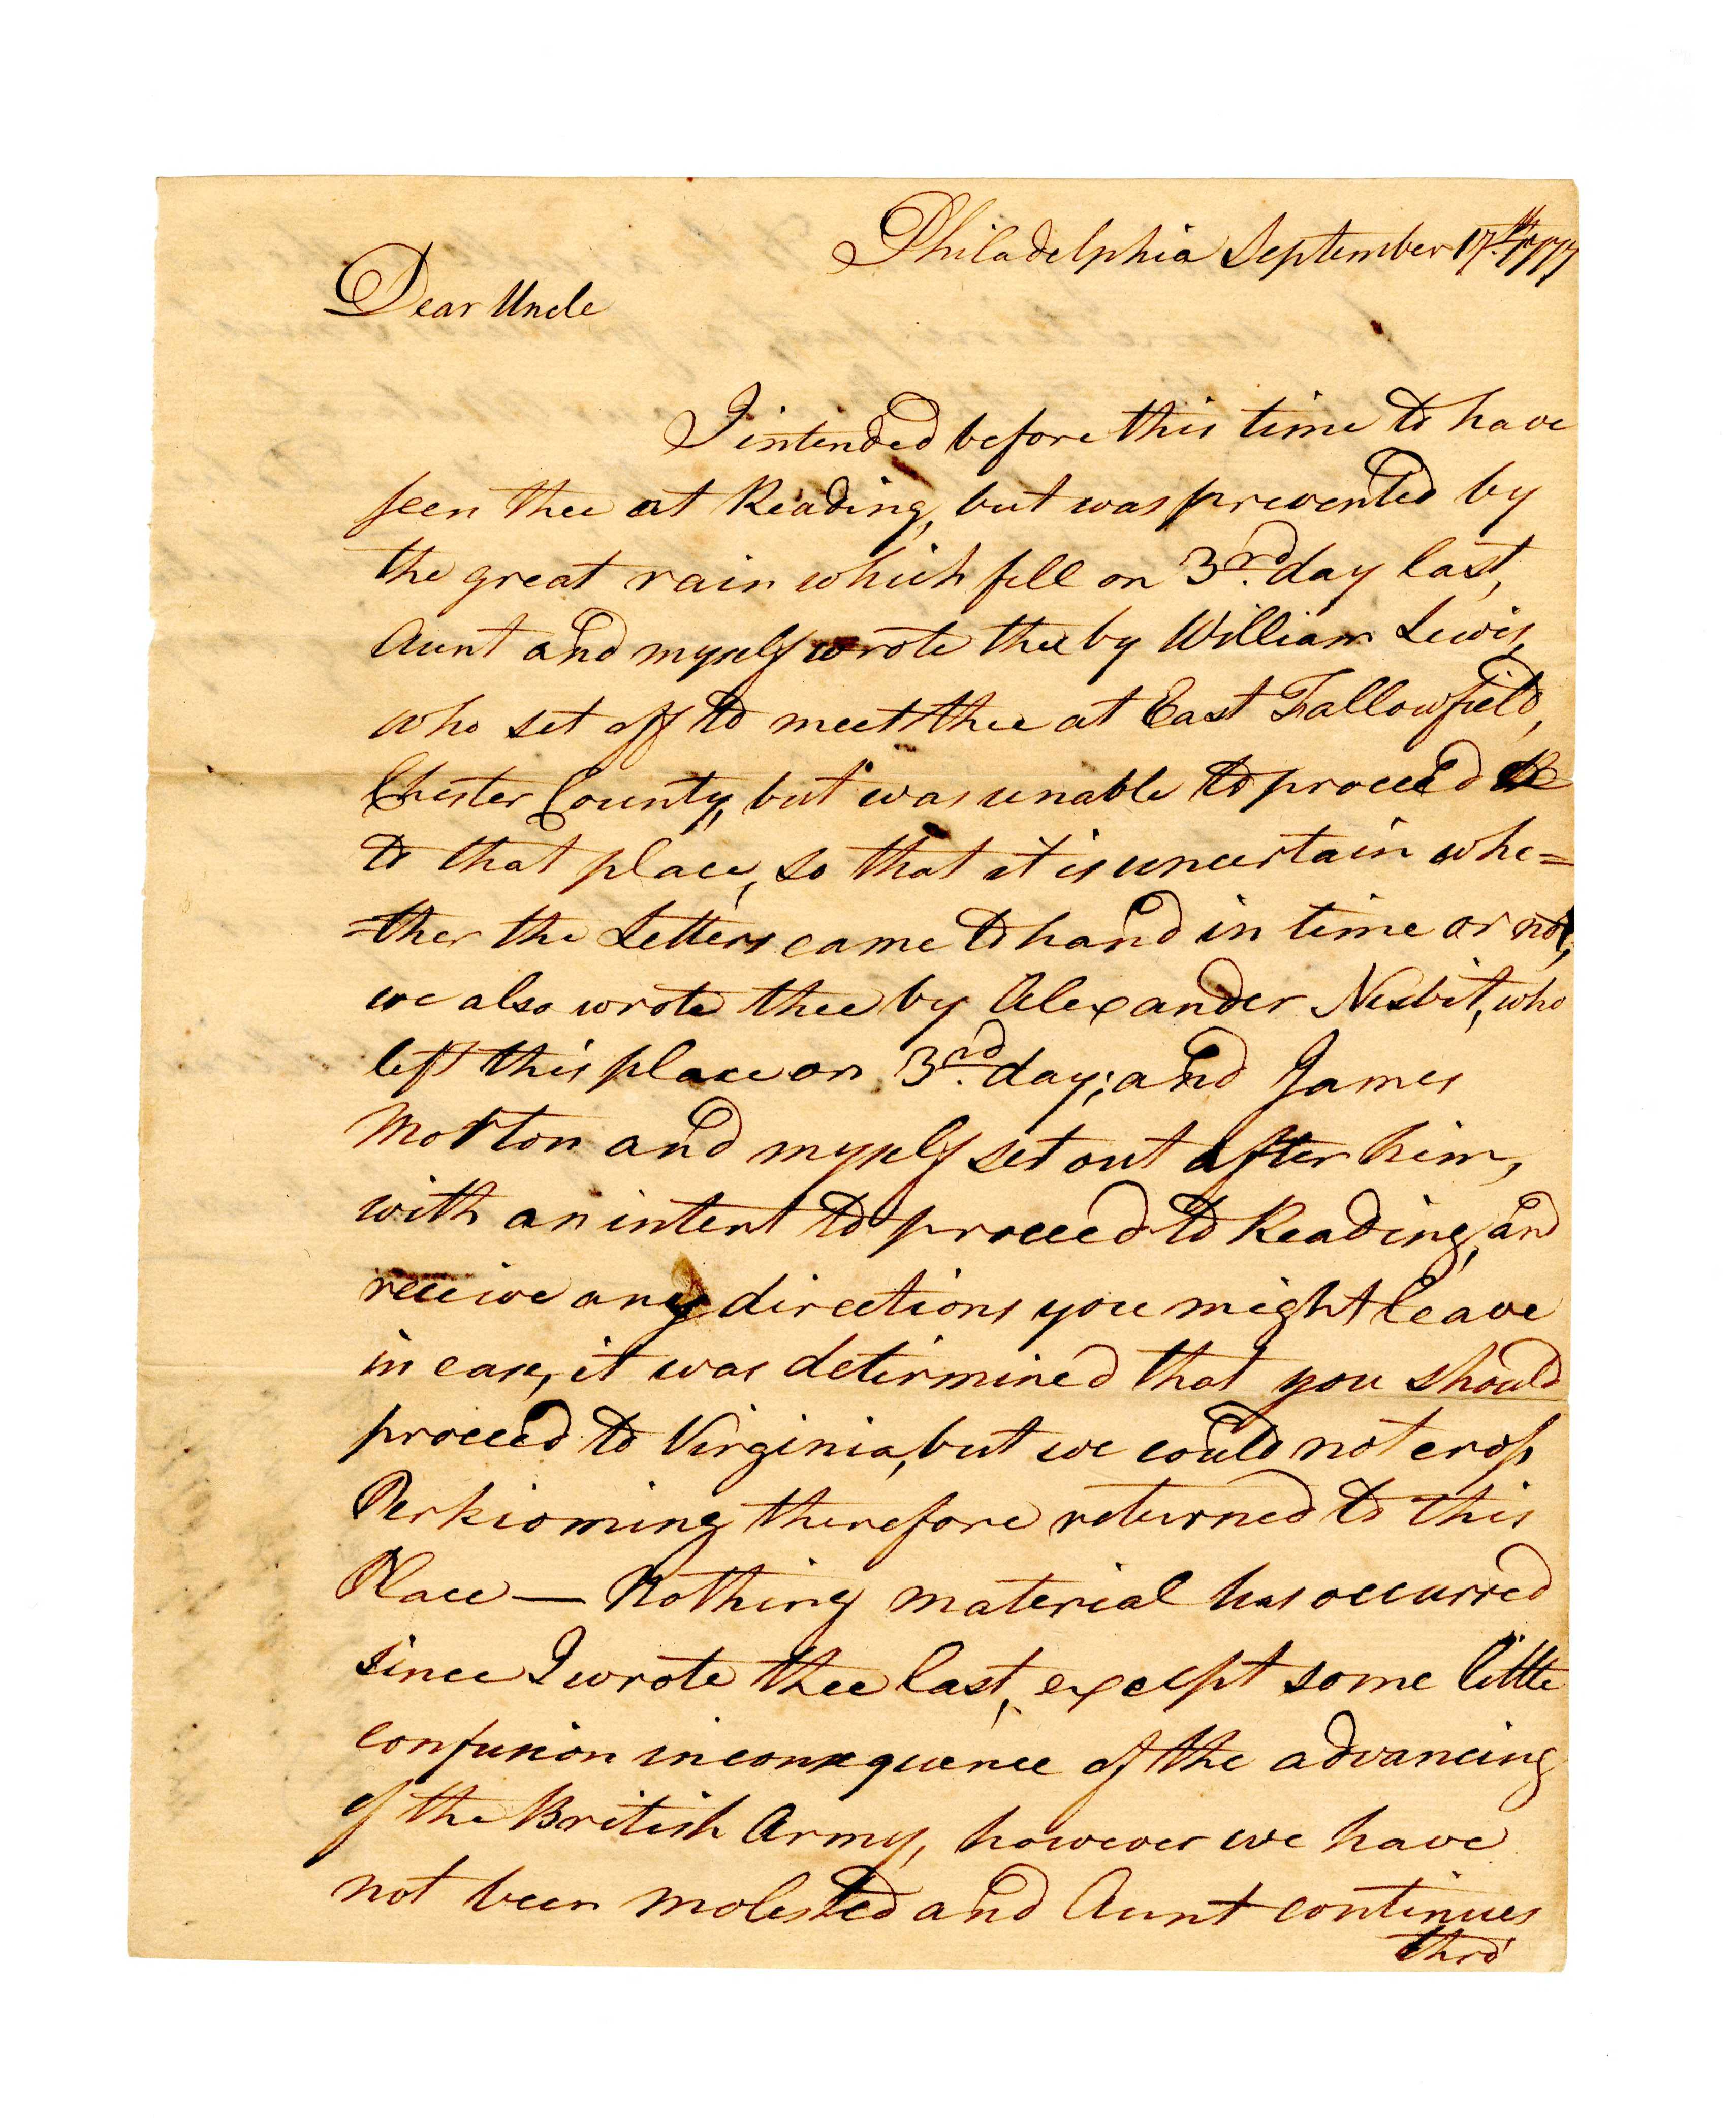Philadelphia September 17^th 1777
Dear Uncle
I intended before this time to have
seen thee at Reading, but was prevented by
the great rain which fell on 3^rd. day last,
Aunt and myself wrote thee by William Lewis,
who set off to meet thee at East Fallowfield,
Chester County, but was unable to proceed [__]
to that place, so that it is uncertain whe-
-ther the Letters came to hand in time or not,
we also wrote thee by Alexander Nesbit, who
left this place on 3^rd. day; and James
Morton and myself set out after him,
with an intent to proceed to Reading, and
receive any directions you might leave
in case it was determined that you should
proceed to Virginia, but we could not cross
Perkioming therefore returned to this
Place- Nothing material has occurred
since I wrote thee last, except some little
confusion in consequence of the advancing
of the British Army, however, we have
not been molested and Aunt continues
thro'